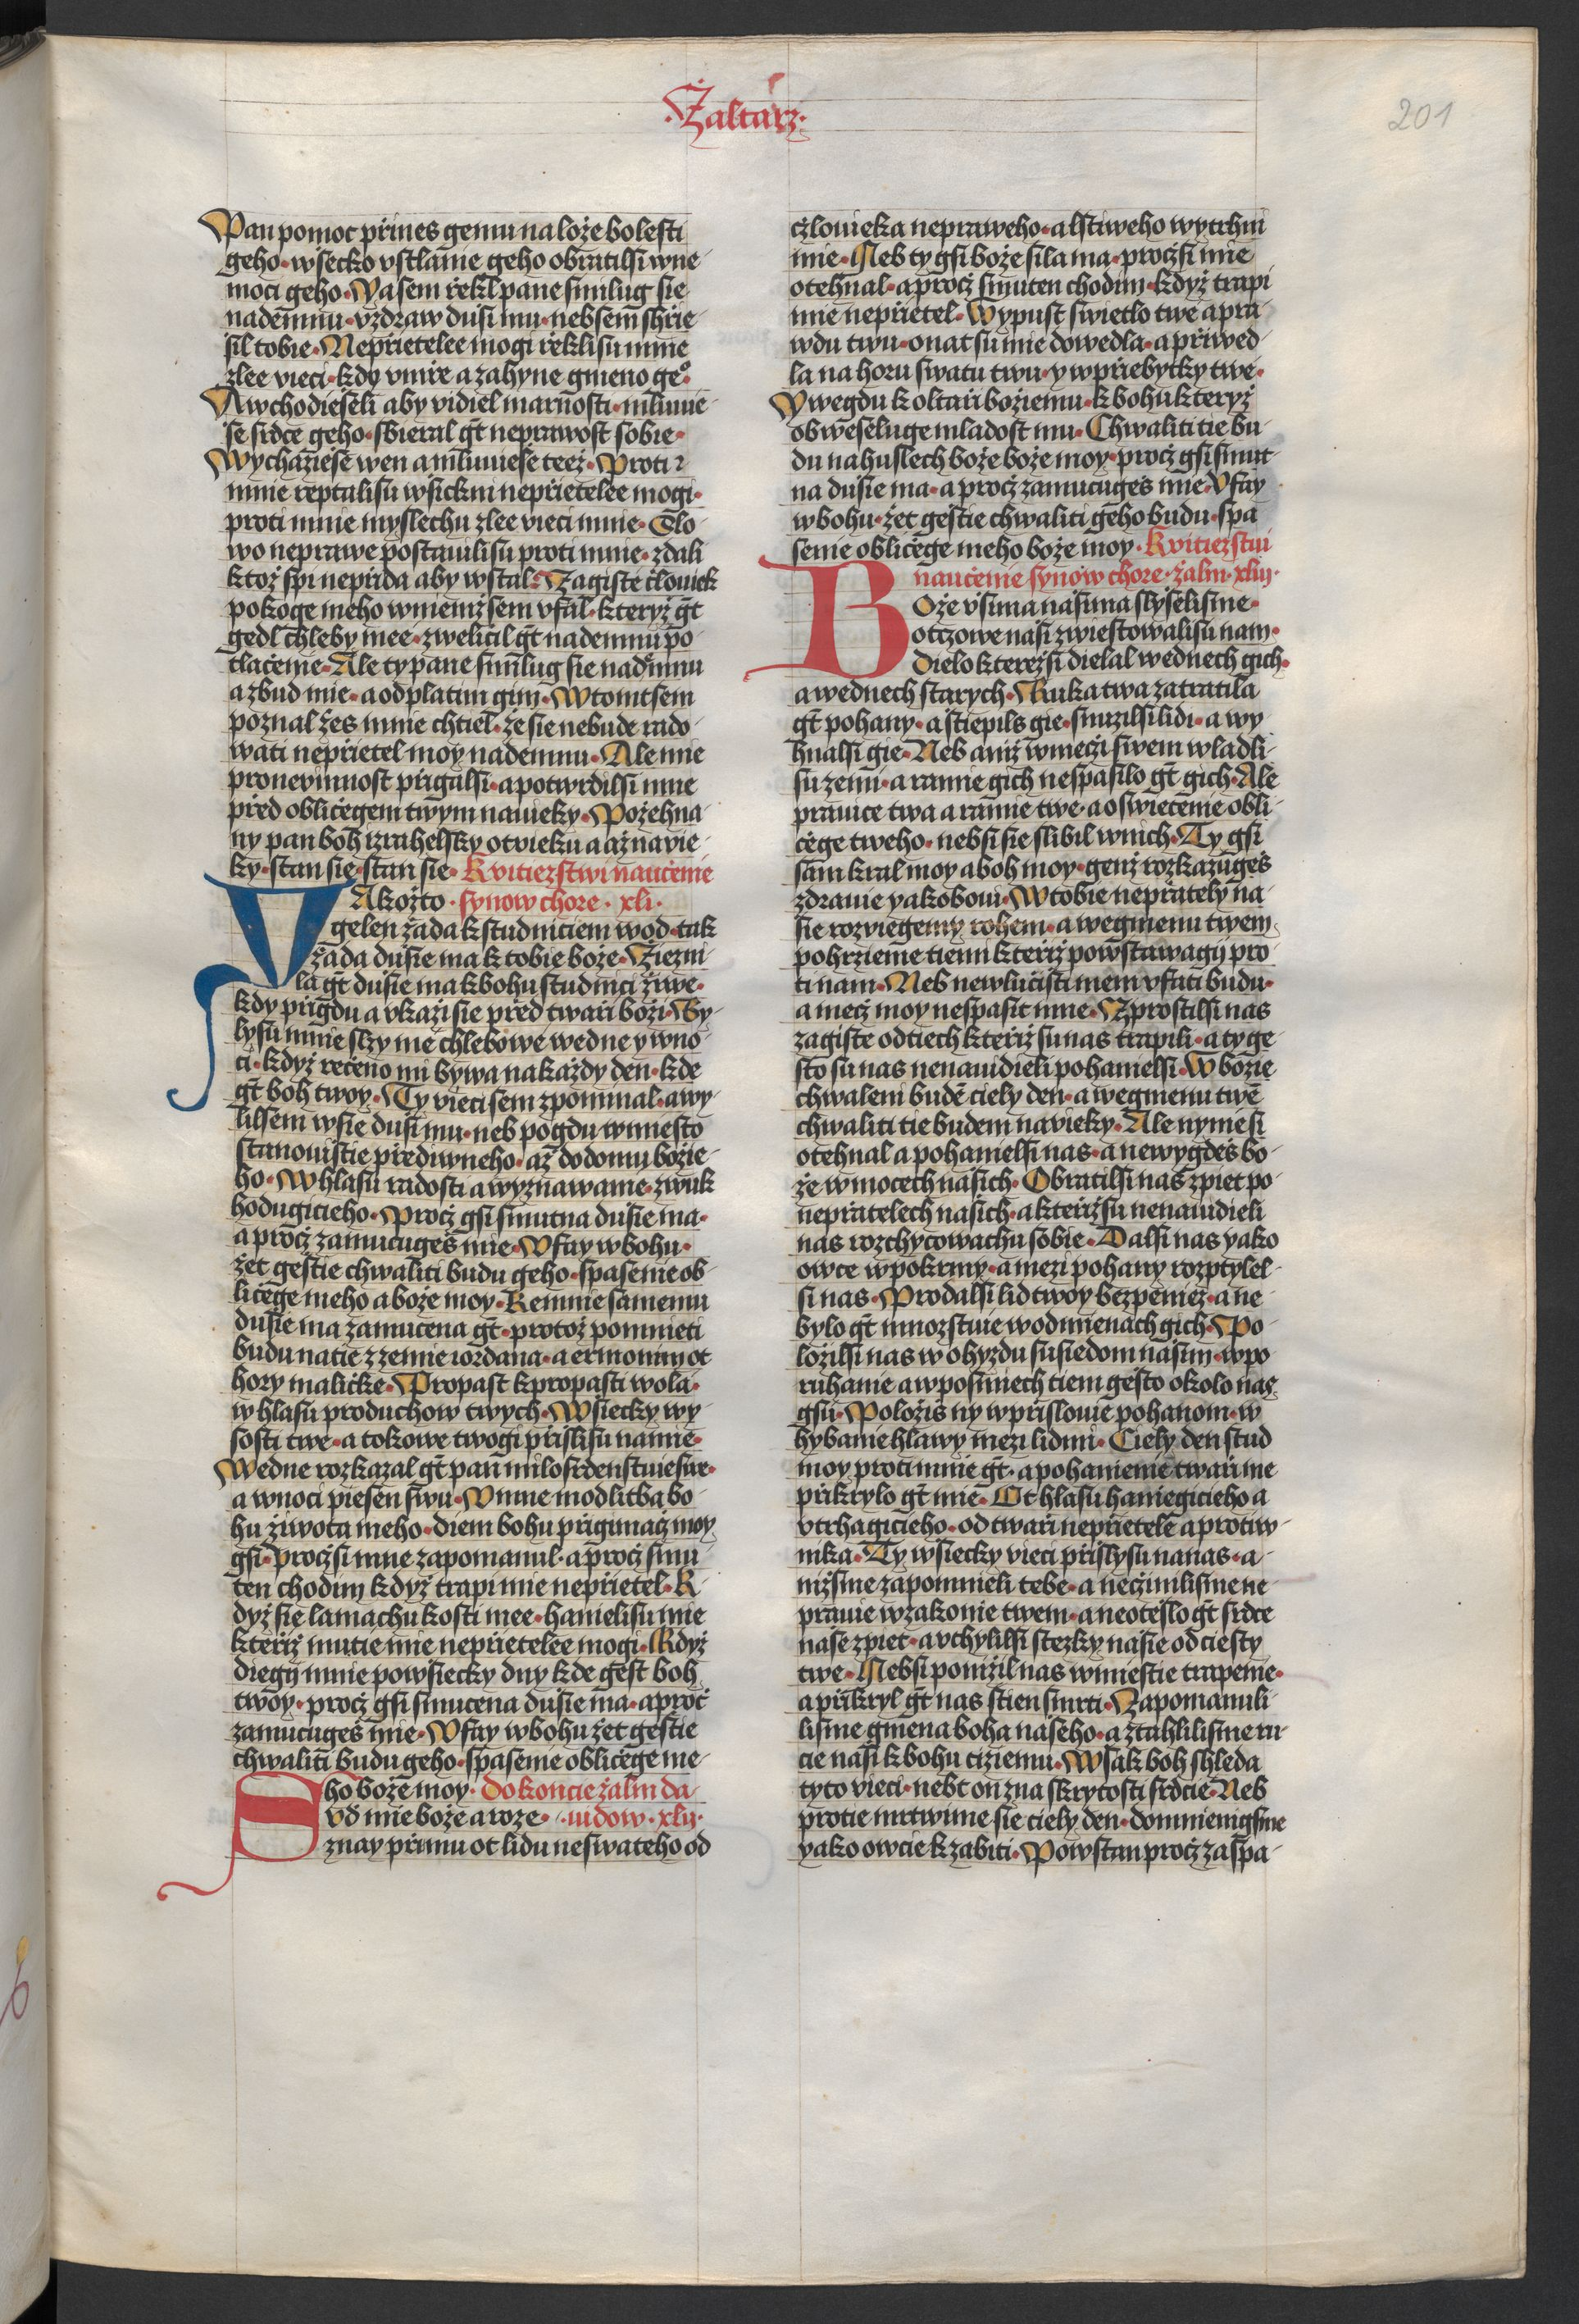.Żaltarz.
Pan pomoc pṙines gemu naloże boleſtí
geho.wẛecko vſtlaníe geho obratilſi wne¬
moci geho.Vaſem ṙekl pane ſmilug ſie
nademnu.vzdraw duẛi mu.nebſem ſhṙie¬
ẛil tobie.Nepṙietelee mogi ṙekliſu mnie
zlee vieci.kdy vmṙe a zahyne gmeno geo.
Awchodíeẛeli aby vidiel marnoſti.mluuíe¬
ẛe ſrdce geho.ſbieral ḡt neprawoſt ſobie.
Wychazieẛe wen a miluuíeẛe teež.Proti
mnie reptaliſu wẛickni nepṙíetelee mogi.
proti mine myſlechu zlee vieci mnie.Slo¬
wo neprawe poſtauiliſu proti mnie.zdali
ktož ſpí nepṙida aby wſtal.Zagiſté ċlouiek
pokoge meho wníemżſem vſal.kteryž ḡt
gedl chleby mee.zweliċil ḡt nademnu po¬
tlaċeníe.Ale ty pane ſmilug ſie nademnu
a zbud mie.a odplatim gim.Wtomtſem
poznal żes mnie chtiel.że ſie nebude rado¬
wati nepṙíetel moy nademnu.Ale mie
pronevinnoſt pṙigalſi.a potwrdilſi mne
pṙed obliċegem twym nauieky.Pożehna¬
ny pan boh izrahelſky otvieku a aż navie¬
ky.ſtan ſie.ſtan ſie.Kvitiezſtwí nauċeníe
Akožto.ſynow chore. xli.
gelen žada kſtudnícíem wod.tak
žada duẛie ma k tobie boże.Žíezni¬
la ḡt duẛie ma kbohu ſtudnici żiwe.
kdy pṙigdu a vkażiſie pṙed twaṙí bożí.By¬
lyſu mnie ſlzy mé chlebowé wedne y wno¬
ci.když reċeno mi bywa nakażdy den.kde
ḡt boh twoy.Ty vieci ſem zpomínal.awy¬
lilſem wſie duẛi mu.neb pogdu. wmíeſto
ſtunouiẛtie.pṙediwneho.až do domu bożie¬
ho.Whlaſu radoſti a wyznawanie.zwuk
hodugícieho.Procż gſi ſmutna duẛie ma.
a procż zamucugeṡ mie.Vſay w bohu.
żet geẛtie chwaliti budu geho.ſpaſeníe ob¬
liċege meho a boże moy.Kemnie ſamemu
duẛie ma zamucena ḡt.protoż pomnieti
budu natie z zemie iordana.a ermoním ot
hory maličke.Propaſt kpropaſti wolá.
w hlaſu produchow twych.Wẛiecky wy¬
ſoſti twe.a tokowe twogi přiẛliſu namie.
Wedne rozkazal ḡt pan miloſrdenſtuíeſwe.
a wnoci pieſen ſwu.V mne modlitba bo¬
hu żiwota meho.díem bohu pṙigimacż moy
gſi.Procżſi mne zapomanul.a procż ſmu¬
ten chodím kdýž trapí mie nepṙíetel.K¬
dyż ſie lamachu koſti mee.hanieliſu mie
kteṙíż mutíe mie nepṙíetelee mogi.Když
diegij mnie powẛiecky dny kde geſt boh
twoy.procż gſi ſmucena duẛie ma.aproċ
zamucugeṡ mie.Vſay wbohu żet geẛtie
chwaliti budu geho.ſpaſenie obliċege me¬
ho boże moy.dokoncie žalm da¬
Vḋ mie boże a roze.uidow.xlij.
znay pṙimu ot lidu neſwateho od
cżlouieka nepraweho.a lſtiweho wytrhni
mie.Neb ty gſi boże ſila ma.procżſi mie
otehnal.aprocż ſmuten chodím.když trapí
mie nepṙíetel.Wypuſt ſwietlo twé a pra¬
wdu twu.onat ſu mie dowedla.a pṙiwed¬
la na horu ſwatu twu.y wpṙiebytky twé.
Vwegdu k oltaṙi božiemu.k bohu kteryż
obweſeluge mladoſt mu.Chwaliti tie bu¬
du nahuſlech boże boże moy.procż gſi ſmut¬
na duẛie ma.a procż zamucugeṡ mie.Vſay¬
w bohu.žet geẛtie chwaliti geho budu.ſpa
ſeníe obliċege meho boże moy.Kvitiezſtuí
nauċeníe ſynow choee.žalm.xliij.
Ože vẛima naẛima ſlyẛeliſme.
otczowe naẛi zwieſtowaliſu nam.
dielo ktereżſi dielal wednech gich.
a wednech ſtarych.Muka twa zatratila
ḡt pohany.a ẛtíepils gie.ſnuzilſilidi.a wy¬
hnalſi gie.Neb aniż wmecżi ſwem wladli
ſu zemí.a ramie gich neſpaſilo ḡt gich.Ale
prauice twa a ramie twe.a o ſwieteníe obli¬
ċege tweho.neb ſi ſie ſlibil wnich.Ty gſi
ſam kral moy a boh moy.genż rozkazugeṡ
zdrauie yakoboui.W tobie nepṙately na¬
ẛie rozviegemy rohem.a wegmenu twem
pohrzíeme tiemi kteṙíż powſtwagij pro¬
ti nam.Neb newlučiẛti mem vſati budu.
a mecż moy neſpaſit mne.Zproſtilſi nas
zagiſte odtiech kteṙiż ſu nas trapili.a ty ge¬
ſto ſu nas nenauidieli pohanielſi.W bozie
chwaleni budē ciely den.a wegmenu twē
chwaliti tie budem navieky.Ale nyníe ſi
otehnal a pohaníelſi nas.a newygdeṡ bo¬
że w mocech naẛich.Obratilſi nas zpiet po¬
nepřatelech naẛich.a kteřiž ſu nenauidieli
nas rozchycowachu ſobie.Dalſi nas yako
owce wpokrmy.a mezi pohany rozptylel¬
ſi nas.Prodalſi lid twoy bezpeníez.a ne¬
bylo ḡt mnozſtuíe wodmíenach gich.Po¬
lożilſi nas w ohyzdu ſuſiedom naẛim.w po¬
ruhaníe a w poſmíech tiem geẛto okolo nas
gſú.Polożíṡ ny wpṙiſlouie pohanom.w
hybaníe hlawy mezi lidmi.Ciely den ſtud
moy proti mnie ḡt.a pohanieníe twaṙi me
přikrylo ḡt mie.Ot hlaſu haniegícíeho a
vtrhagicíeho.od twaři nepříetele aprotíw¬
níka.Ty wẛiecky vieci pṙiẛlyſu nanas.a¬
níżſme zapomnieli tebe.a necżiníliſme ne¬
prauie wzakonie twem.a neoteẛlo ḡt ſrdce
naẛe zpiet.a vchylilſi ſtezky naẛie od cieſty
twe.Nebſi ponížil nas wmíeſtie trapeníe.
a pṙikryl ḡt nas ſtien ſmrti.Zapomanuli
liſme gmena boha naẛeho.a ztahliliſme ru¬
cie naẛi kbohu ciziemu.Wẛak boh ſhleda
tyto vieci.nebt on zna ſkrytoſti ſrdcie.Neb
protie mrtwime ſie ciely den.domnienigſme
yako owcie k zabiti.Powſtan procż zaſpa¬